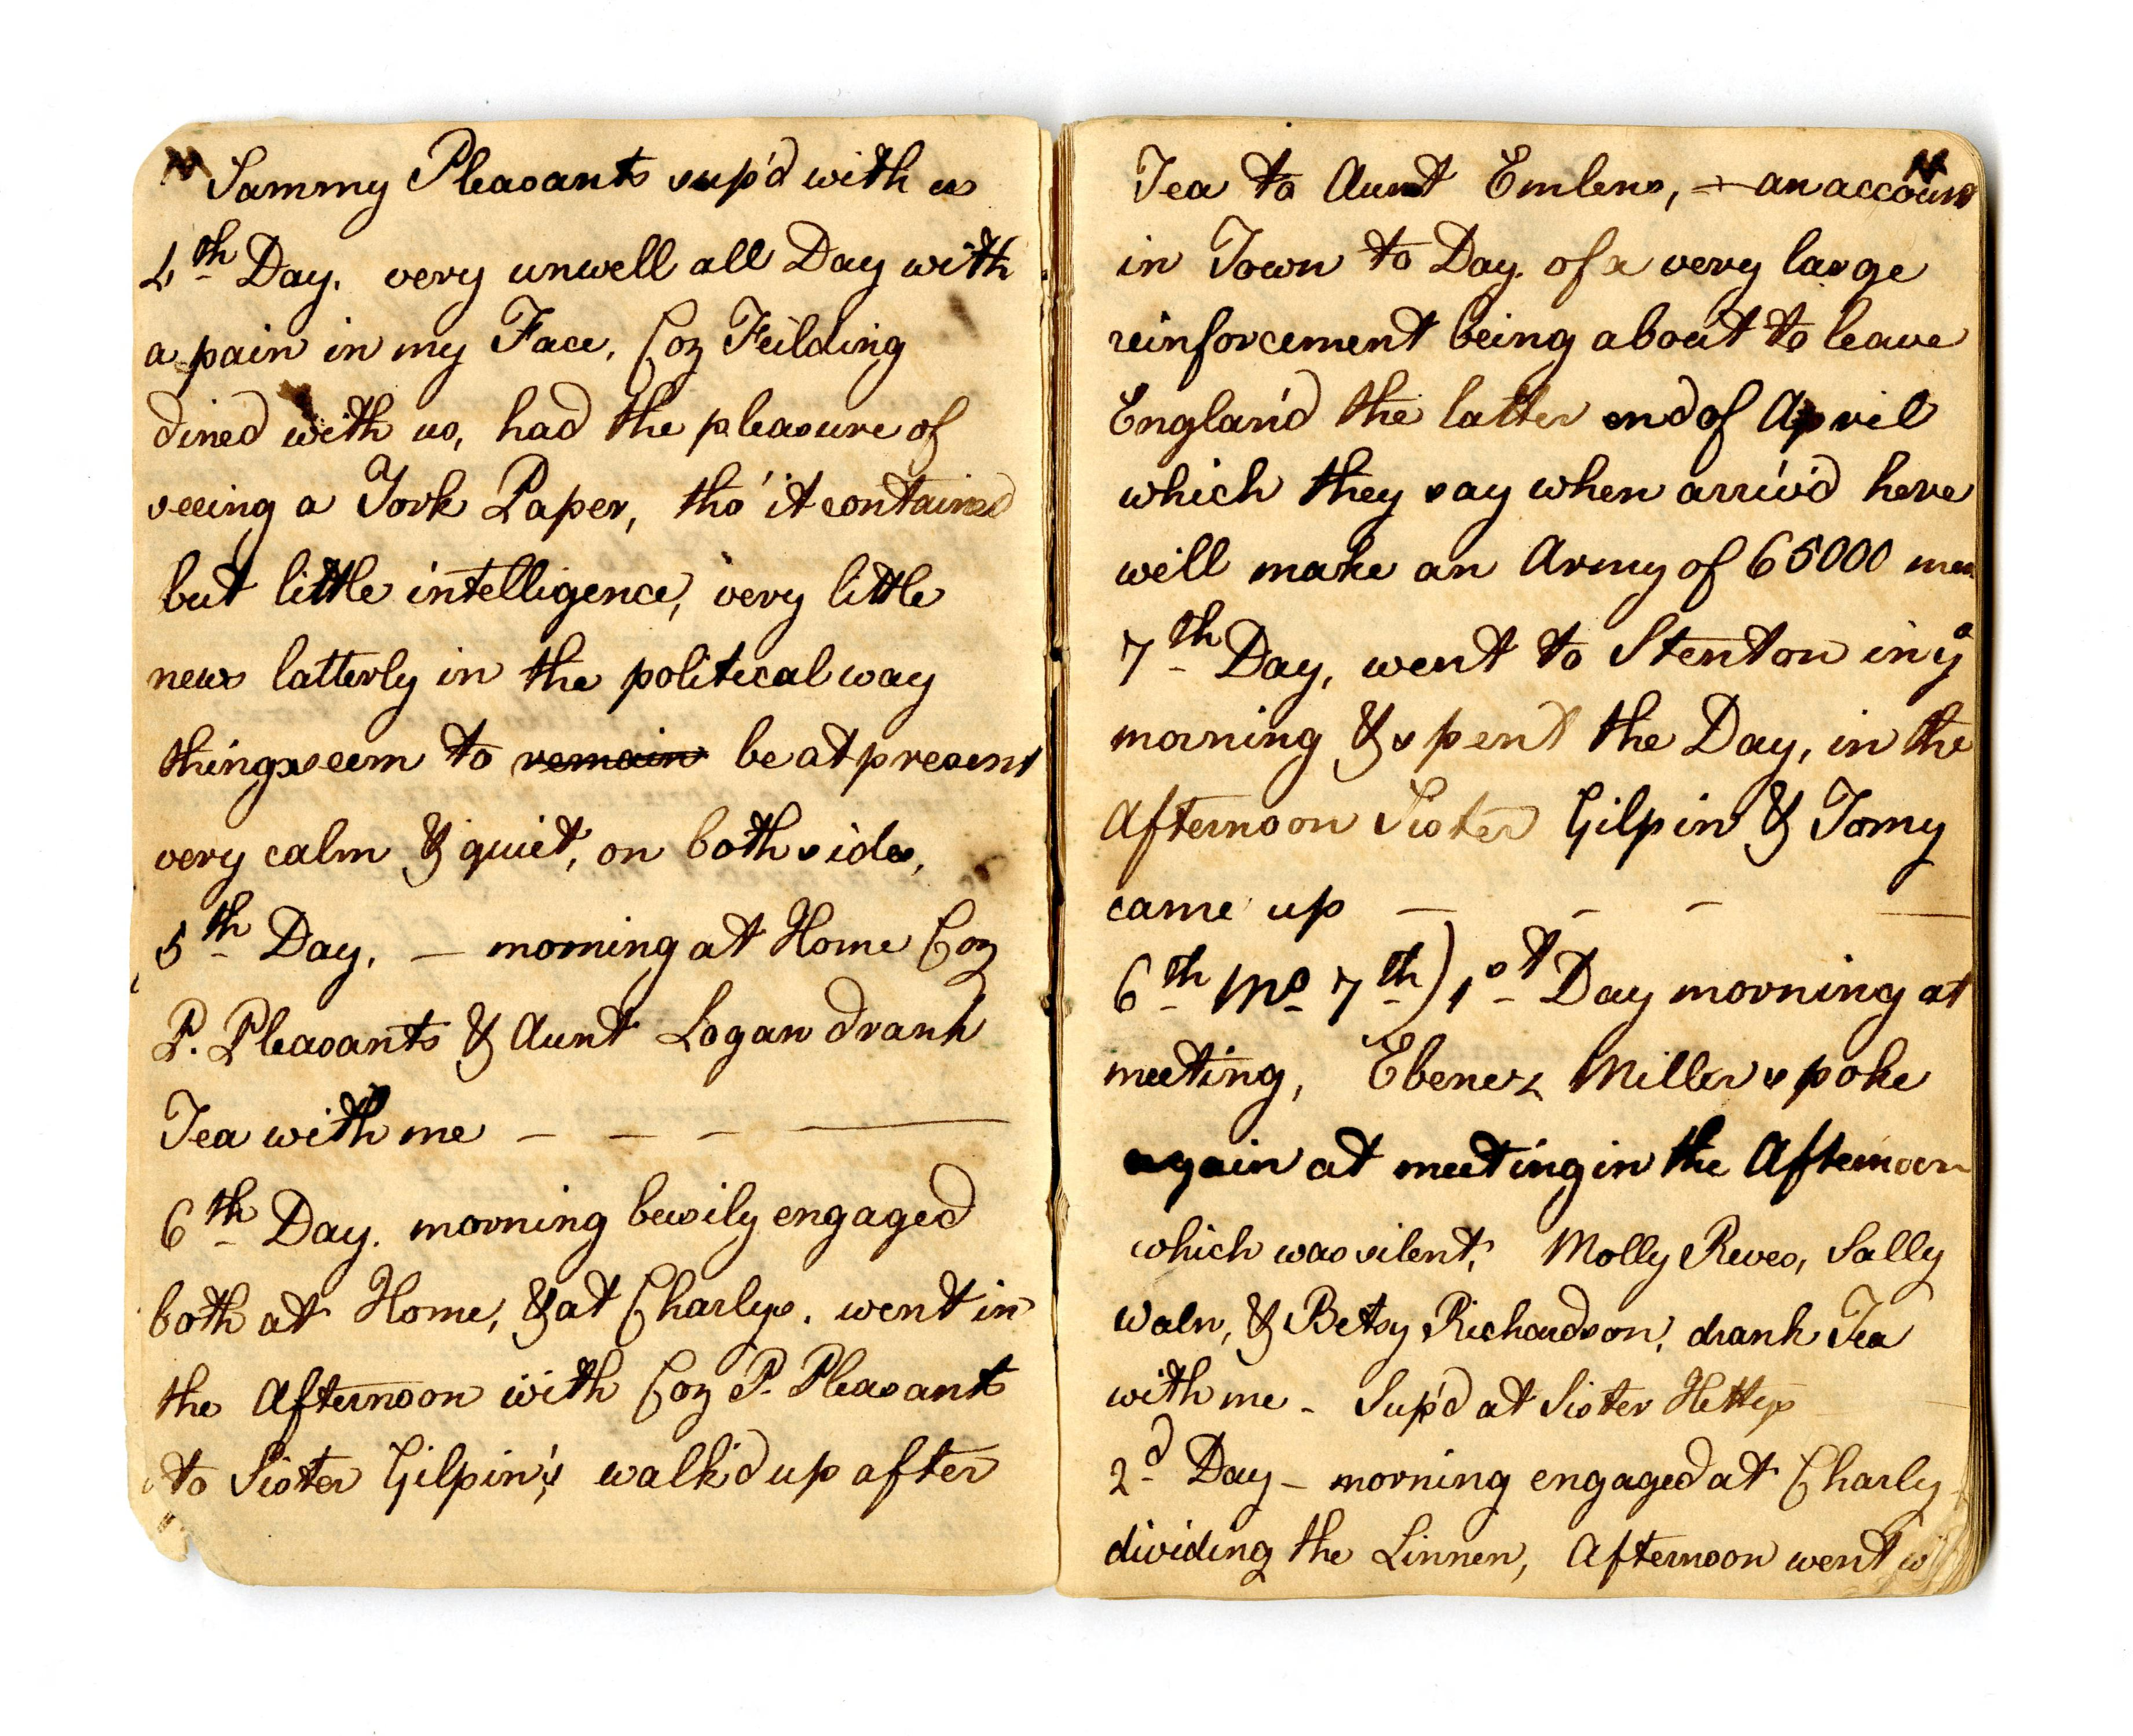Sammy Pleasants sup'd with us
4^th Day. very unwell all Day with
a pain in my Face, Coz Feilding
dined with us, had the pleasure of
seeing a York Paper, tho' it contained
but little intelligence, very little
news latterly in the political way
things seem to [remain] be at present
very calm & quiet, on both sides,
5^th Day.- morning at Home Coz
P. Pleasants & Aunt Logan drank
Tea with me-
6^th Day. morning busily engaged
both at Home, & at Charlys. went in
the Afternoon with Coz P. Pleasants
to Sister Gilpin's, walk'd up after
11
Tea to Aunt Emlens,- an account
in Town to Day. of a very large
reinforcement being about to leave
England the latter end of April
which they say when arriv'd here
will make an Army of 65000 men
7^th Day, went to Stenton in y^e
morning & spent the Day, in the
Afternoon Sister Gilpin & Tomy
came up-
6^th M^o 7^th ) 1^st Day morning at
meeting, Ebenez Miller spoke
again at meeting in the Afternoon
which was silent, Molly Reves, Sally
Waln, & Betsy Richardson, drank Tea
with me. Sup'd at Sister Hettys
2^d. Day- morning engaged at Charly
dividing the Linnen, Afternoon went w